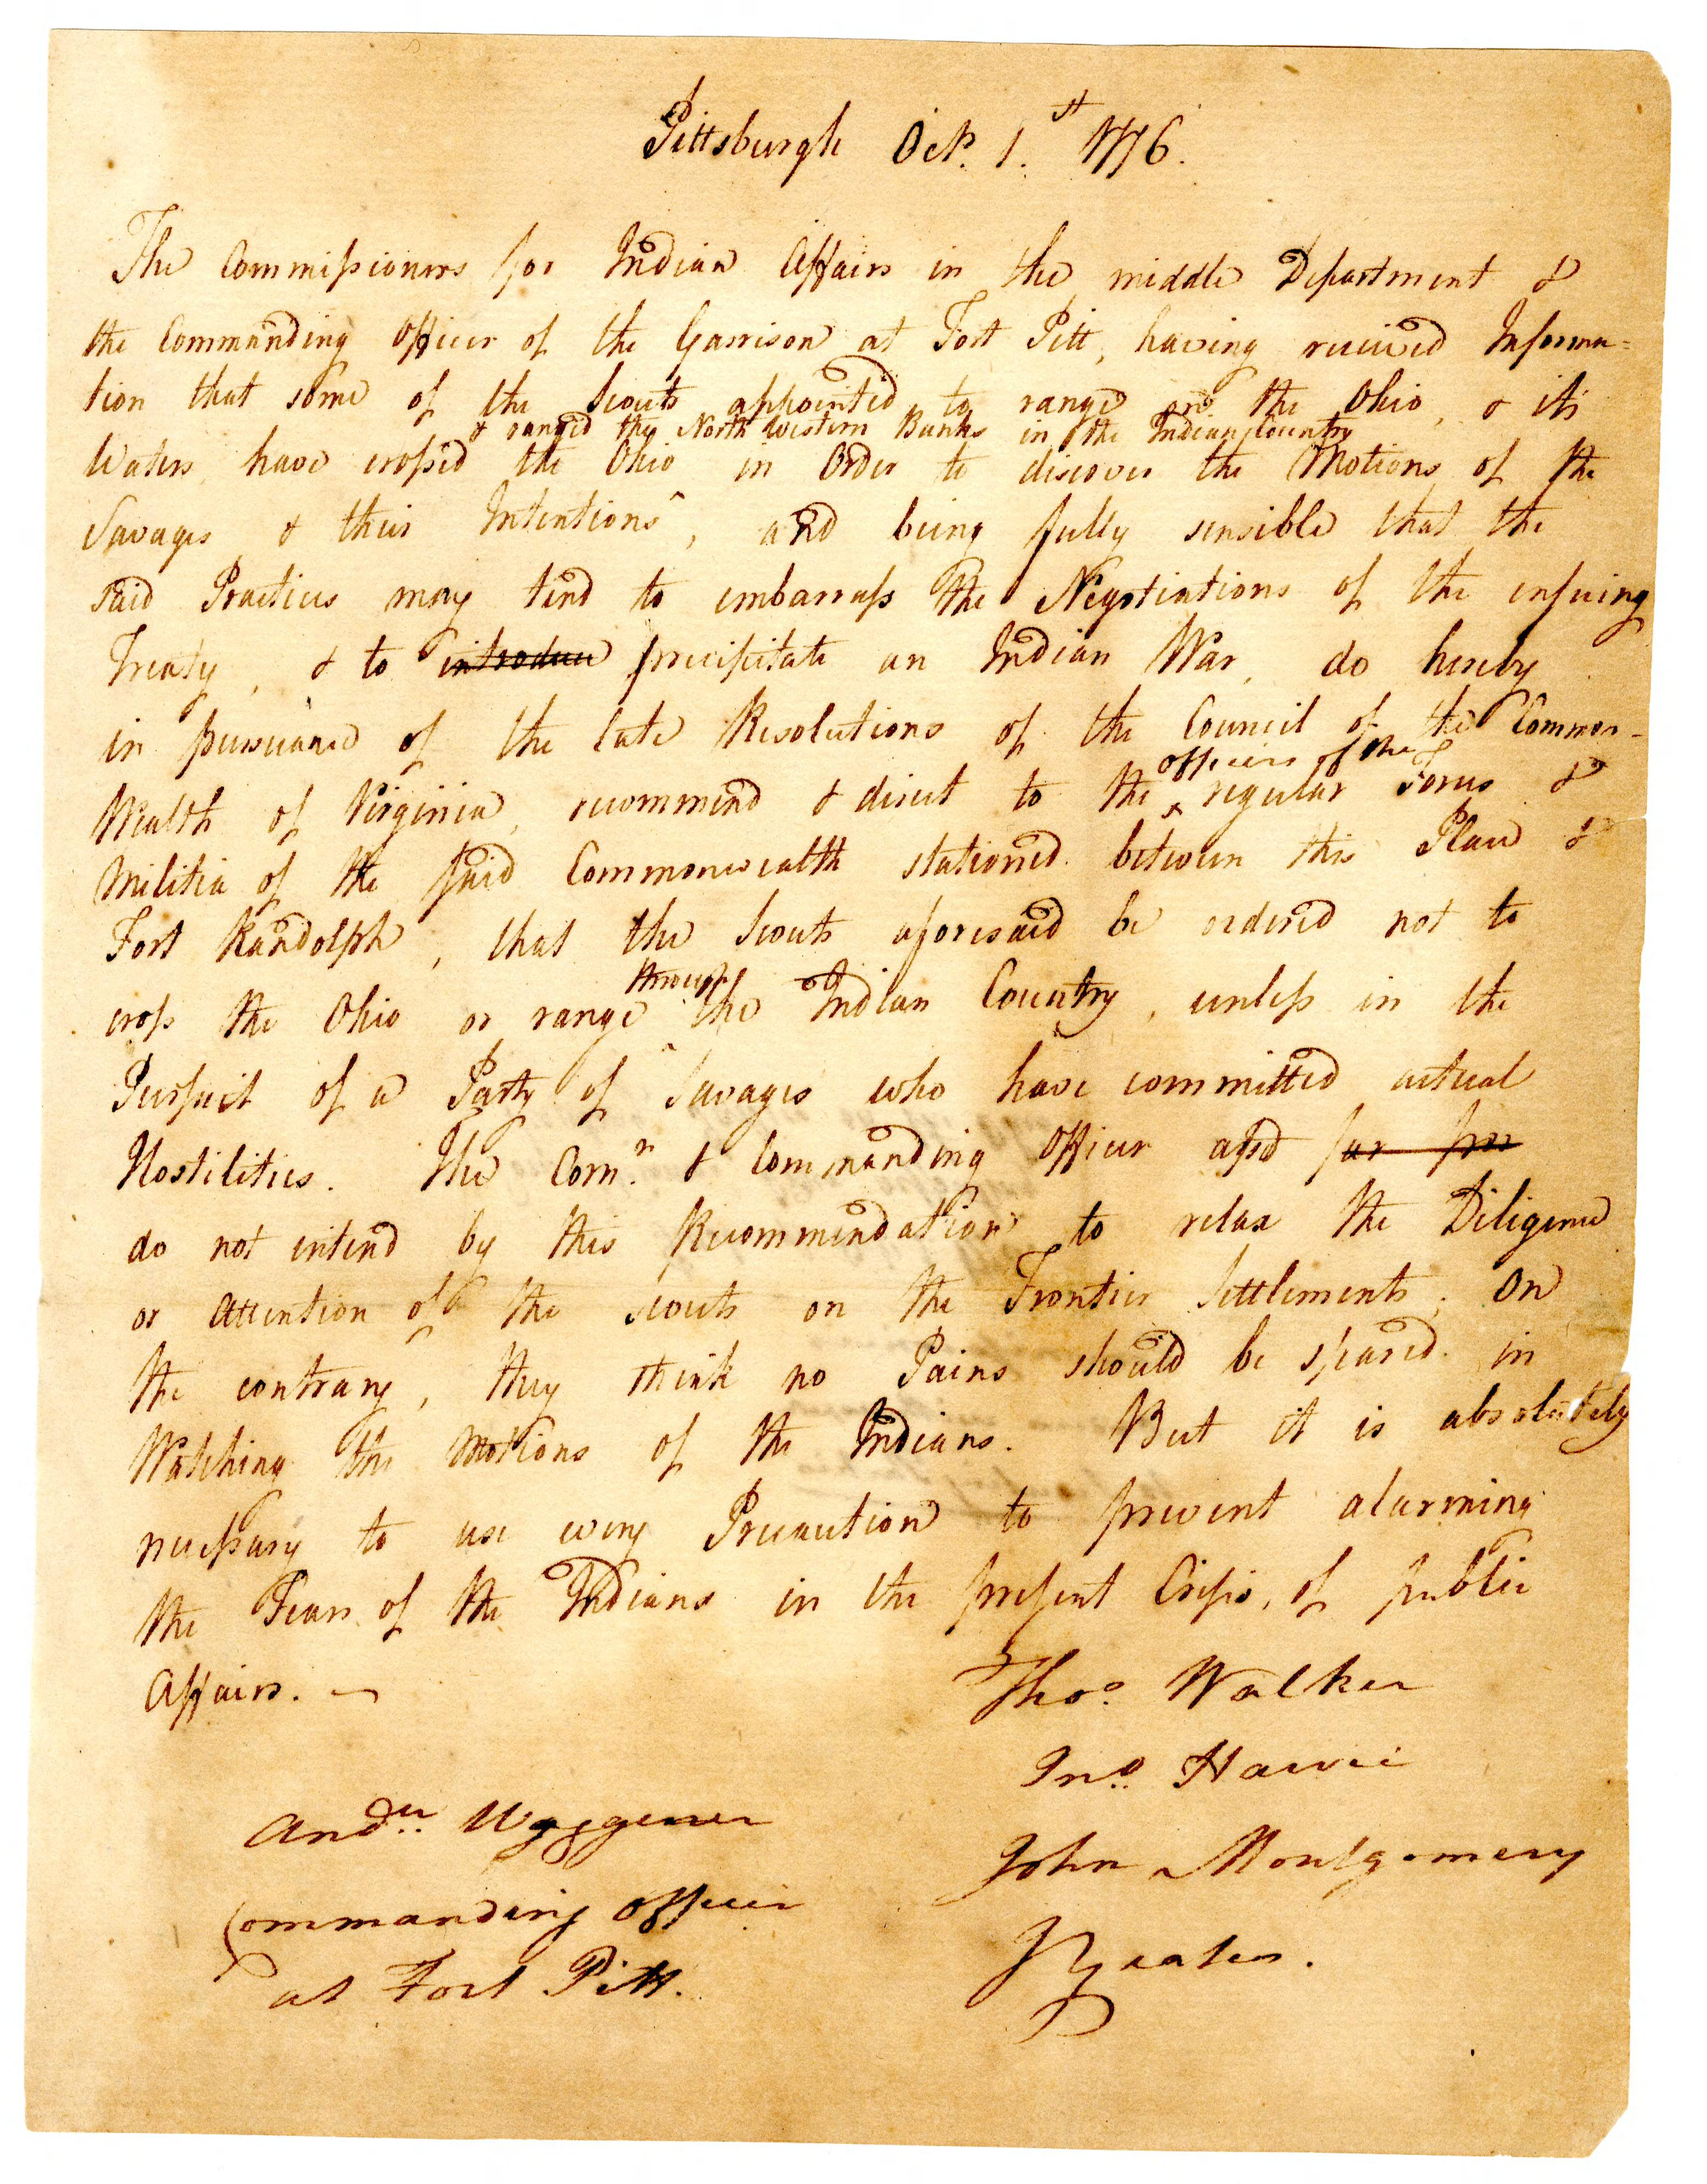Pittsburgh Oct^r. 1^st. 1776.
The Commissioners for Indian Affairs in the middle Department &
the Commanding officer of the Garrison at Fort Pitt having received Informa-
tion that some of the Scouts, appointed to range on the Ohio & its
& ranged the North Western Banks in the Indian Country
Waters have crossed the Ohio^ in Order to discover the Motions of the
Savages & their Intentions, and being fully sensible that the
said Practices may tend to embarrass the Negotiations of the ensuing
Treaty & to introduce precipitate an Indian War do hereby
in pursuance of the late Resolutions of the Council of the Common
officers of the
Wealth of Virginia recommend & direct to the ^ regular Forms &
Militia of the said Commonwealth stationed between this Place &
Fort Randolph, that the Scouts aforesaid be ordered not to
through
cross the Ohio or range ^ the Indian Country, unless in the
Pursuit of a Party of Savages who have committed actual
Hostilities. The Com^r. & Commanding Officer asked [for] [__]
do not intend by this Recommendation to relax the Diligence
or Attention of the scouts on the Frontier Settlements. On
the contrary, they think no Pains should be spared in
Watching The Motions of the Indians. But it is absolutely
necessary to use every Precaution to prevent alarming
the Fear of the Indians in the present Crisis of public
Affairs.-
Tho^s. Walker
Jn^o. Harvie
John Montgomery
J Yeates.
And^w. Wyggener
Commanding officer
at Fort Pitt.